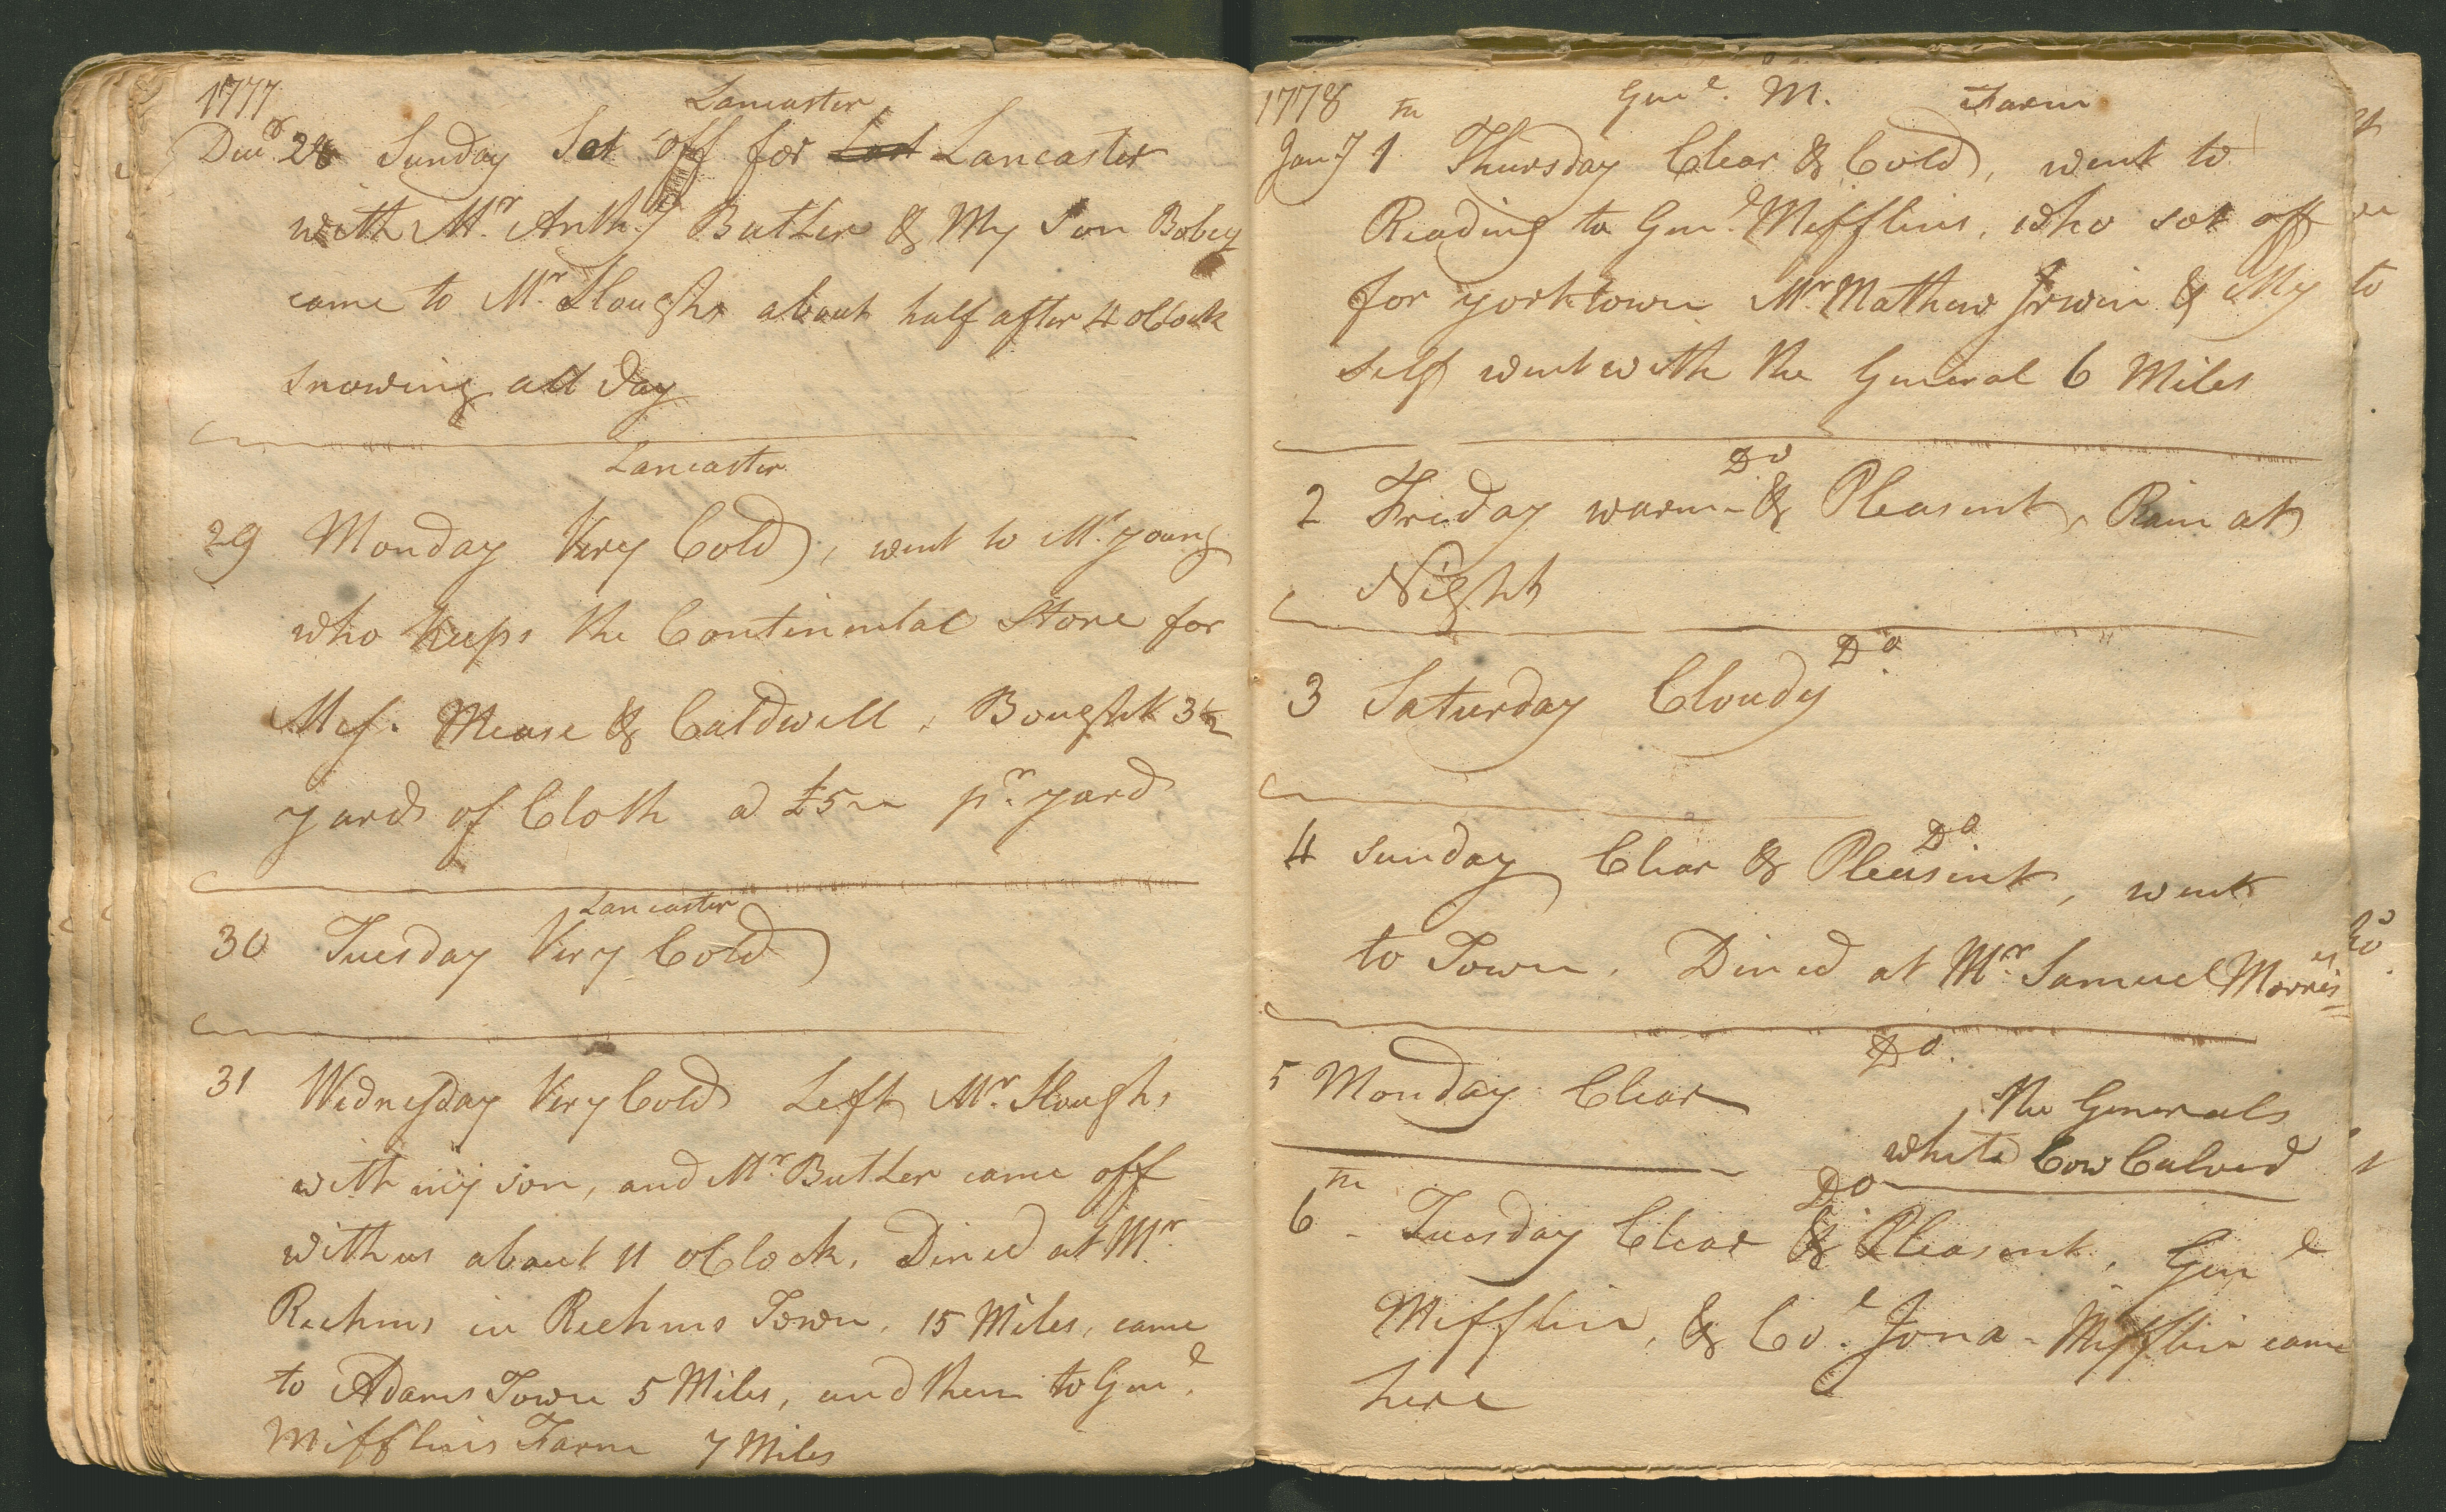1777
Lancaster
Dec^r. 2 Sunday set off for [Last] Lancaster
with M^r. Anth^y. Butler & My Son Bobey
came to M^r. Sloughs about half after 4 oClock
snowing all day
Lancaster
29 Monday Very Cold, went to M^r young
who keeps the Continental Store for
Mes. Mease & Caldwell. Bought 3 1/2
yards of Cloth @ £5- p^r. yard
Lancaster
30 Tuesday Very Cold
31 Wednesday Very Cold Left M^r. Sloughs
with my son, and M^r. Butler came off
with us about 11 oClock. Dined at M^r.
Rechms in Rechms Town, 15 Miles, came
to Adams Town 5 Miles, and then to Gen^l.
Mifflins Farm 7 Miles
1778
Gen^l. M.
Farm
Jan^y 1^th Thursday Clear & Cold, went to
Reading to Gen^l. Mifflins, who set off
for yorktown M^r. Mathew Irwin & My to
self went with the General 6 Miles
D^o
2 Friday warm- & Pleasent, Rain at
Night
D^o
3 Saturday Cloudy
D^o.
4 Sunday Clear & Pleasent, went
to Town. Dined at M^r. Samuel Morris
D^o
Monday Clear
the Generals
white Cow Calved
D^o
6^th Tuesday Clear & Pleasent, Gen^l
Mifflin, & Co^l. Jona. Mifflin came
here